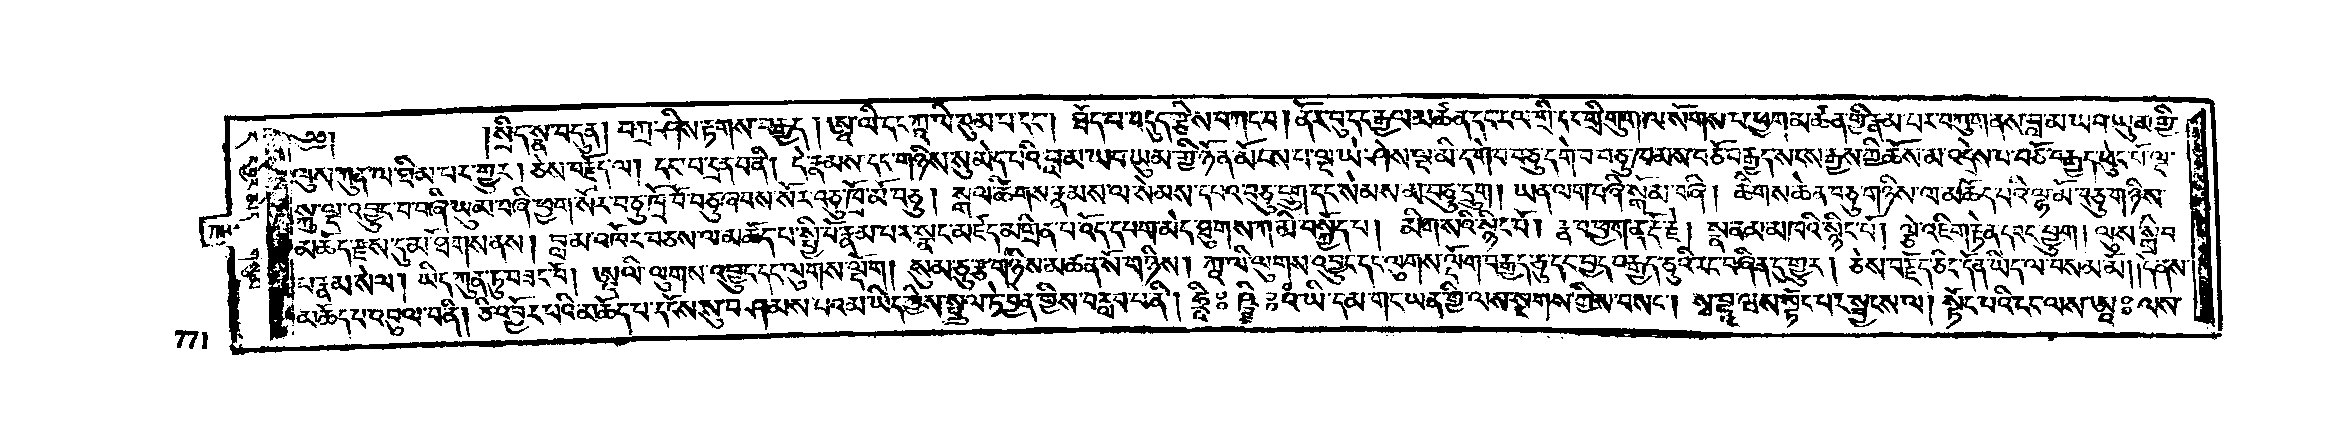༄༅། །སྲིད་སྣ་བདུན། བཀྲ་ཤིས་རྟགས་བརྒྱད། ཨཱ་ལི་དང་ཀཱ་ལི་བུམ་པ་དང་། ཐོད་པ་བདུད་རྩིས་བཀང་བ། ནོར་བུ་དང་རྒྱལ་མཚན་དང་རལ་གྲི་དང་གྲི་གུག་ལ་སོགས་པ་ཕྱག་མཚན་གྱི་རྣམ་པར་བཀུག་ནས་བླ་མ་ཡབ་ཡུམ་གྱི་
ལུས་ཀུན་ལ་ཐིམ་པར་གྱུར། ཅེས་བརྗོད་ལ། དང་པ་དྲན་པ་ནི། དེ་རྣམས་དང་གཉིས་སུ་མེད་པའི་བླ་མ་ཡབ་ཡུམ་གྱི་ཉོན་མོངས་པ་ལྔ་ཡེ་ཤེས་ལྔ་མི་དགེ་བ་བཅུ་དགེ་བ་བཅུ་ཁམས་བཅོ་བརྒྱད་སངས་རྒྱས་ཀྱི་ཆོས་མ་འདྲེས་པ་བཅོ་བརྒྱད་ཕུང་པོ་ལྔ་
སྐུ་ལྔ་འབྱུང་བ་བཞི་ཡུམ་བཞི་ཕྱག་སོར་བཅུ་ཁྲོ་བོ་བཅུ་ཞབས་སོར་བཅུ་ཁྲོ་མོ་བཅུ། སྒལ་ཚིགས་རྣམས་ལ་སེམས་དཔའ་བཅུ་དྲུག་དང་སེམས་མ་བཅུ་དྲུག །ཡན་ལག་བཞི་སྒོམ་བཞི། ཚིགས་ཆེན་བཅུ་གཉིས་ལ་མཆོད་པའི་ལྷ་མོ་བཅུ་གཉིས་
མཆོད་རྫས་དུ་མ་ཐོགས་ནས། བླ་མ་འཁོར་བཅས་ལ་མཆོད་པ་སྤྱི་བོ་རྣམ་པར་སྣང་མཛད་མགྲིན་པ་འོད་དཔག་མེད་ཐུགས་ཀ་མི་བསྐྱོད་པ། མིག་སའི་སྙིང་པོ། རྣ་བ་ཕྱག་ན་རྡོ་རྗེ། སྣ་ནམ་མཁའི་སྙིང་པོ། ལྕེ་འཇིག་རྟེན་དབང་ཕྱུག །ལུས་སྒྲིབ་
པ་རྣམ་སེལ། ཡིད་ཀུན་ཏུ་བཟང་པོ། ཨཱ་ལི་ལུགས་འབྱུང་དང་ལུགས་ལྡོག །སུམ་ཅུ་རྩ་གཉིས་མཚན་སོ་གཉིས། ཀཱ་ལི་ལུགས་འབྱུང་དང་ལུགས་ལྡོག་བརྒྱད་ཅུ་དང་བྱད་བརྒྱད་ཅུའི་རང་བཞིན་དུ་གྱུར། ཅེས་བརྗོད་ཅིང་དོན་ཡིད་ལ་བསམ་མོ། །དེ་ནས་
མཆོད་པ་འབུལ་བ་ནི། ཅི་འབྱོར་པའི་མཆོད་པ་དངོས་སུ་བཤམས་པའམ་ཡིད་ཀྱིས་སྤྲུལ་ཏེ་བྱིན་གྱིས་བརླབ་པ་ནི། ཧྲཱིཿ ཥྜྲཱིཿ འཾ་ཡི་དམ་གང་ཡན་གྱི་ལས་སྔགས་ཀྱིས་བསང་། སྭ་བྷཱ་ཝས་སྟོང་པར་སྦྱངས་ལ། སྟོང་པའི་ངང་ལས་ཨཱཿ ལས་